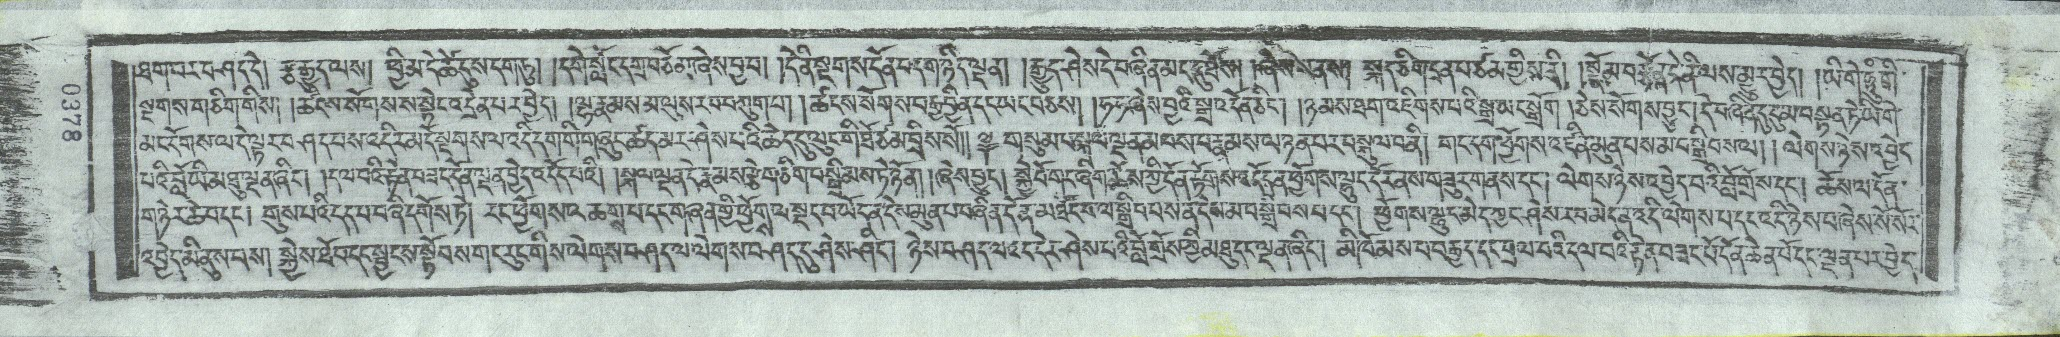ཐག་པར་བཤད་དེ། རྩ་རྒྱུད་ལས། ཕྱི་མ་དེ་ཚེ་དུས་དག་ཏུ། །དགེ་སློང་དགྲ་བཅོམ་ཞེས་བྱ་བ། །དེ་ནི་སྔགས་དོན་བདག་ཉིད་ལྡན། །རྒྱུད་ཤེས་དེ་བཞིན་མང་དུ་ཐོས། །ཞེས་པ་ནས། སྐད་ཅིག་དྲན་པ་ཙམ་གྱིས་ནི། །སྡོམ་བརྩོན་དེ་ནི་ལས་མྱུར་བྱེད། །ཡི་གེ་ཧཱུཾ་གི་
སྔགས་གཅིག་གིས། །ཚངས་སོགས་ས་སྟེང་འདྲེན་པར་བྱེད། །ལྷ་རྣམས་མ་ལུས་རབ་བཀུག་པ། །ཚངས་སོགས་བརྒྱ་བྱིན་དང་ཡང་བཅས། །ཧ་ཧ་ཞེས་བྱའི་སྒྲ་འདོན་ཅིང་། །ཉམས་ཐག་འཇིགས་པའི་སྒྲ་ཡང་སྒྲོག །ཅེས་སོགས་བྱུང་། དེ་བཞིན་དུ་དུམ་བསྟན་ཏེ་ཡི་གེ་
མང་དོགས་ལ་དེ་ལྟར་བཤད་པས་འདིར་མདོ་སྔགས་ལ་འདི་དག་གི་གཞུང་ཚད་མར་ཤེས་པའི་ཆེད་དུ་ལུང་གི་ཟོ་ཙམ་བྲིས་སོ།། ༈ གསུམ་པ་སྐལ་ལྡན་མཁས་པ་རྣམས་ལ་ཉན་པར་བསྐུལ་བ་ནི། གང་དག་ཕྱོགས་འཛིན་མུན་པས་མ་བསྒྲིབས་ལ། །ལེགས་ཉེས་འབྱེད་
པའི་བློ་ཡི་མཐུ་ལྡན་ཞིང་། །དལ་བའི་རྟེན་བཟང་དོན་ལྡན་བྱེད་འདོད་པའི། །སྐལ་ལྡན་དེ་རྣམས་རྩེ་གཅིག་བསྒྲིམས་ཏེ་ཉོན། །ཞེས་བྱུང་། སྐྱེ་བོ་གང་ཞིག་ཆོས་ཀྱི་དོན་རྟོགས་འདོད་ན་ཕྱོགས་ལྷུང་དོར་ནས་གཟུར་གནས་དང་། ལེགས་ཉེས་འབྱེད་པའི་བློ་གྲོས་དང་། ཆོས་ལ་དོན་
གཉེར་ཆེ་བ་དང་། གུས་པའི་དད་པ་བཞི་དགོས་ཏེ། རང་ཕྱོགས་ལ་ཆགས་པ་དང་གཞན་གྱི་ཕྱོགས་ལ་སྡང་བ་ཡོད་ན་དེས་མུན་པ་བཞིན་དོན་མཐོང་བ་ལ་སྒྲིབ་པས་ན་དེས་མ་བསྒྲིབས་པ་དང་། ཕྱོགས་ལྷུར་མེད་ཀྱང་ཤེས་རབ་མེད་ན་འདི་ལེགས་པ་དང་འདི་ཉེས་བཞེས་སོ་སོར་
འབྱེད་མི་ནུས་བས། སྐྱེས་ཐོབ་དང་སྦྱངས་སྟོབས་གང་རུང་གིས་ལེགས་བཤད་ལ་ལེགས་བཤད་དུ་ཤེས་ཤིང་། ཉེས་བཤད་ལའང་དེར་ཤེས་པའི་བློ་གྲོས་ཀྱི་མཐུ་དང་ལྡན་ཞིང་། མི་ཁོམས་པ་བརྒྱད་དང་བྲལ་བའི་དལ་བའི་རྟེན་བཟང་པོ་དོན་ཆེན་པོ་དང་ལྡན་པར་བྱེད་